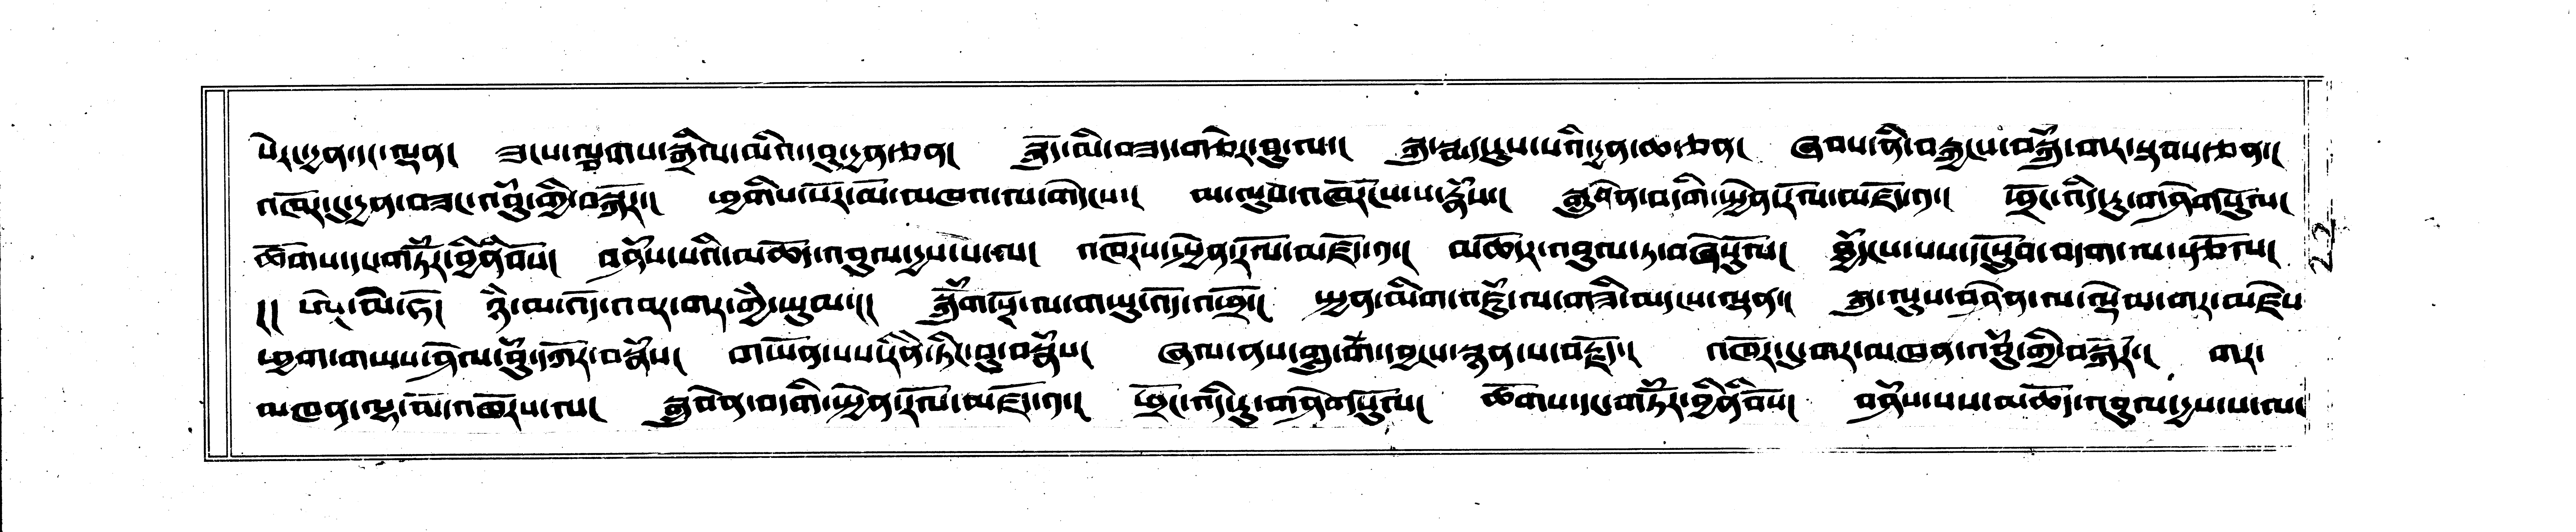སེར་ལྗང་རྒྱན་དང་ལྡན། ཟངས་ལྕགས་སྒྲིལ་མའི་དབུ་རྒྱན་ཅན། སྐུ་སྟོད་མི་བཟད་གཅེར་བུ་ལ། སྐུ་སྨད་རུས་པའི་རྒྱན་ཆ་ཅན། ཞབས་ནི་བརྐྱངས་བསྐུམ་གར་སྟབས་ཅན། 
འཁོར་དུ་རྒྱན་བཟང་འབུམ་གྱིས་བསྐོར། ཕྱག་གིས་སོར་མོ་མཁའ་ལ་གདེངས། མ་ལུས་འཁོར་དང་བཅས་པ་རྣམས། སྒྲུབ་ཆེན་བདག་གི་སྤྱན་འདྲེན་རོལ་མཛོད་ཅིག ཕོ་བྲང་འདི་རུ་གཤེགས་སུ་གསོལ།
 ཚོགས་དང་གཏོར་མ་བྱིན་གྱིས་རློབས། བཤམས་པའི་མཆོད་འབུལ་རྒྱས་པ་ལ། འཁོར་བཅས་སྤྱན་འདྲེན་རོལ་མཛོད་ཅིག མཆོད་པར་འབུལ་ཏེ་བཞེས་སུ་གསོལ། ཐུགས་དམ་བསྐངས་པས་དངོས་གྲུབ་བདག་ལ་སྩོལ།
 །།ཨེ་མ་ཧོ། ཉི་མ་འོད་འབར་གར་གྱི་ཡུམ།། སྐུ་མདོག་སྔོ་ལ་གཡུ་འོད་འཕྲོ། སྤྱན་མིག་འཇུམ་ལ་གཟི་མདངས་ལྡན། སྐུ་ལུས་གཤེན་ལ་ལྡེམ་གར་མཛེས། 
ཕྱག་གཡས་ཤེལ་བུམ་དཀར་པོ་བསྣམས། གཡོན་པས་རིན་ཆེན་ཏིང་བུ་བསྣམས། ཞལ་ནས་གླུ་དབྱངས་སྙན་པ་བརྗོད། འཁོར་དུ་གར་མཁན་འབུམ་གྱིས་བསྐོར། གར་
མཁན་ལྷ་མོ་འཁོར་འདས་ལ། སྒྲུབ་ཆེན་བདག་གི་སྤྱན་འདྲེན་རོལ་མཛོད་ཅིག ཕོ་བྲང་འདི་རུ་གཤེགས་སུ་གསོལ། ཚོགས་དང་གཏོར་མ་བྱིན་གྱིས་རློབས། བཤམས་པས་མཆོད་འབུལ་རྒྱས་པ་ལ་